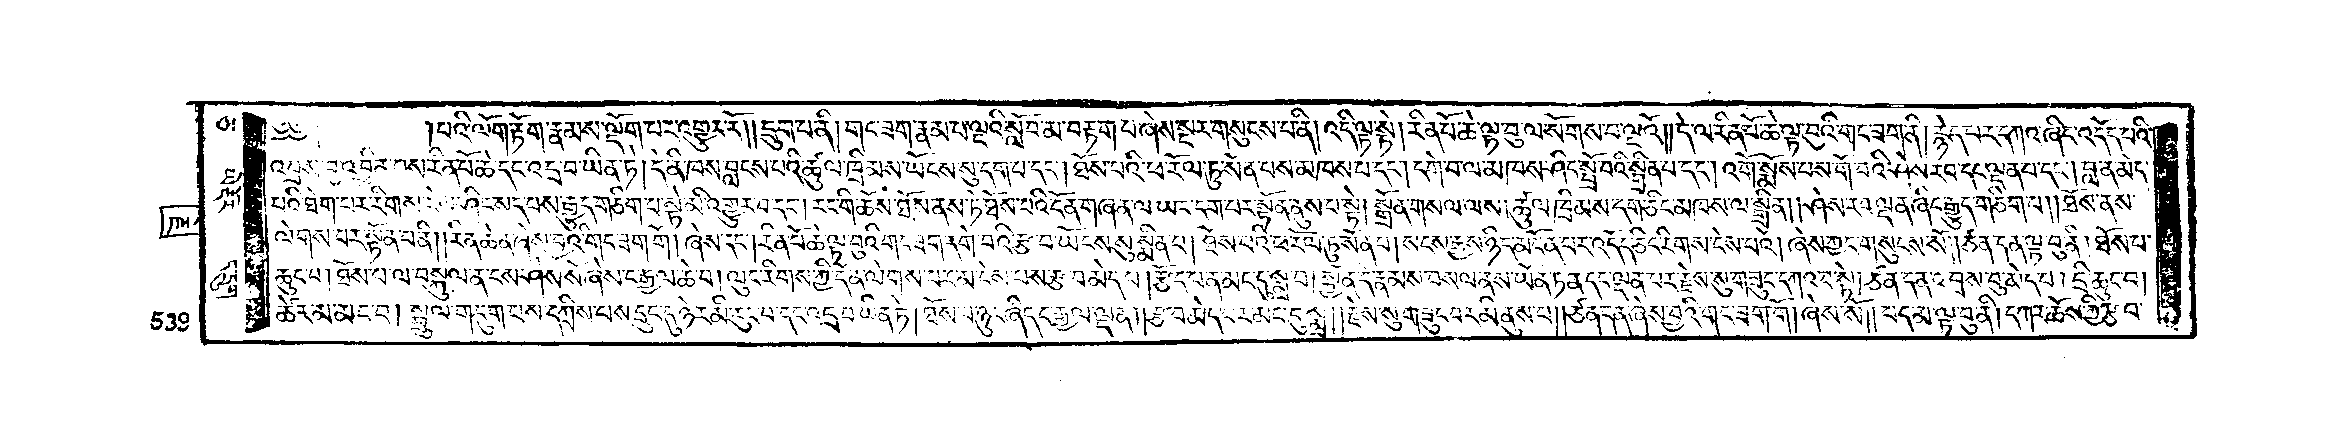༄༅། །པའི་ལོག་རྟོག་རྣམས་ལྡོག་པར་འགྱུར་རོ། །དྲུག་པ་ནི། གང་ཟག་རྣམ་པ་ལྔའི་སློབ་མ་བརྟག་པ་ཞེས་སྔར་གསུངས་པ་ནི། འདི་ལྟ་སྟེ། རིན་པོ་ཆེ་ལྟ་བུ་ལ་སོགས་པ་ལྔའོ། །དེ་ལ་རིན་པོ་ཆེ་ལྟ་བུའི་གང་ཟག་ནི། རྙེད་པར་དཀའ་ཞིང་འདོད་པའི་
འབྲས་བུ་འབྱིན་པས་རིན་པོ་ཆེ་དང་འདྲ་བ་ཡིན་ཏེ། དེ་ནི་ཁས་བླངས་པའི་ཚུལ་ཁྲིམས་ཡོངས་སུ་དག་པ་དང་། ཐོས་པའི་ཕ་རོལ་ཏུ་སོན་པས་མཁས་པ་དང་། དགེ་བ་ལ་མཁས་ཤིང་སྤྲོ་བའི་སྒྲིན་པ་དང་། འགོ་སྨོས་པས་གོ་བའི་ཤེས་རབ་དང་ལྡན་པ་དང་། བླ་ན་མེད་
པའི་ཐེག་པར་རིགས་ངེས་ཤིང་སད་པས་རྒྱུད་གཅིག་པ་སྟེ་མི་འགྱུར་བ་དང་། རང་གི་ཆོས་ཐོས་ནས་ཏེ་ཐོས་པའི་དོན་གཞན་ལ་ཡང་དག་པར་སྟོན་ནུས་པ་སྟེ། སྒྲོན་གསལ་ལས། ཚུལ་ཁྲིམས་དག་ཅིང་མཁས་ལ་སྒྲིན། །ཤེས་རབ་ལྡན་ཞིང་རྒྱུད་གཅིག་པ། །ཐོས་ནས་
ལེགས་པར་སྟོན་པ་ནི། །རིན་ཆེན་ཞེས་བྱའི་གང་ཟག་གོ །ཞེས་དང་། རིན་པོ་ཆེ་ལྟ་བུའི་གང་ཟག་དགེ་བའི་རྩ་བ་ཡོངས་སུ་སྨིན་པ། ཐོས་པའི་ཕ་རོལ་ཏུ་སོན་པ། སངས་རྒྱས་ཉིད་མངོན་པར་འདོད་ཅིང་རིགས་ངེས་པའོ། ཞེས་ཀྱང་གསུངས་སོ། །ཙན་དན་ལྟ་བུ་ནི། ཐོས་པ་
ཆུང་བ། ཐོས་པ་ལ་བསྐུལ་ན་ངས་ཤེས་སོ་ཞེས་ང་རྒྱལ་ཆེ་བ། ལུང་རིགས་ཀྱི་དོན་ལེགས་པར་མ་ངེས་པས་རྩ་བ་མེད་པ། རྩོད་པ་ན་མང་དུ་སྨྲ་བ། སྐྱོན་དེ་རྣམས་བསལ་ནས་ཡོན་ཏན་དང་ལྡན་པར་རྗེས་སུ་གཟུང་དཀའ་བ་སྟེ། ཙན་དན་འབྲས་བུ་མེད་པ། དྲི་ཆུང་བ།
ཚེར་མ་མང་བ། སྦྲུལ་གདུག་པས་དཀྲིས་པས་དྲུང་དུ་ཉེར་མི་རུང་བ་དང་འདྲ་བ་ཡིན་ཏེ། ཐོས་པ་ཉུང་ཞིད་ང་རྒྱལ་ལྡན། །རྩ་བ་མེད་པར་མང་དུ་སྨྲ། །རྗེས་སུ་གཟུང་བར་མི་ནུས་པ། །ཙན་དན་ཞེས་བྱའི་གང་ཟག་གོ །ཞེས་སོ། །པད་མ་ལྟ་བུ་ནི། དཀར་ཆོས་ཀྱི་རྩ་བ་